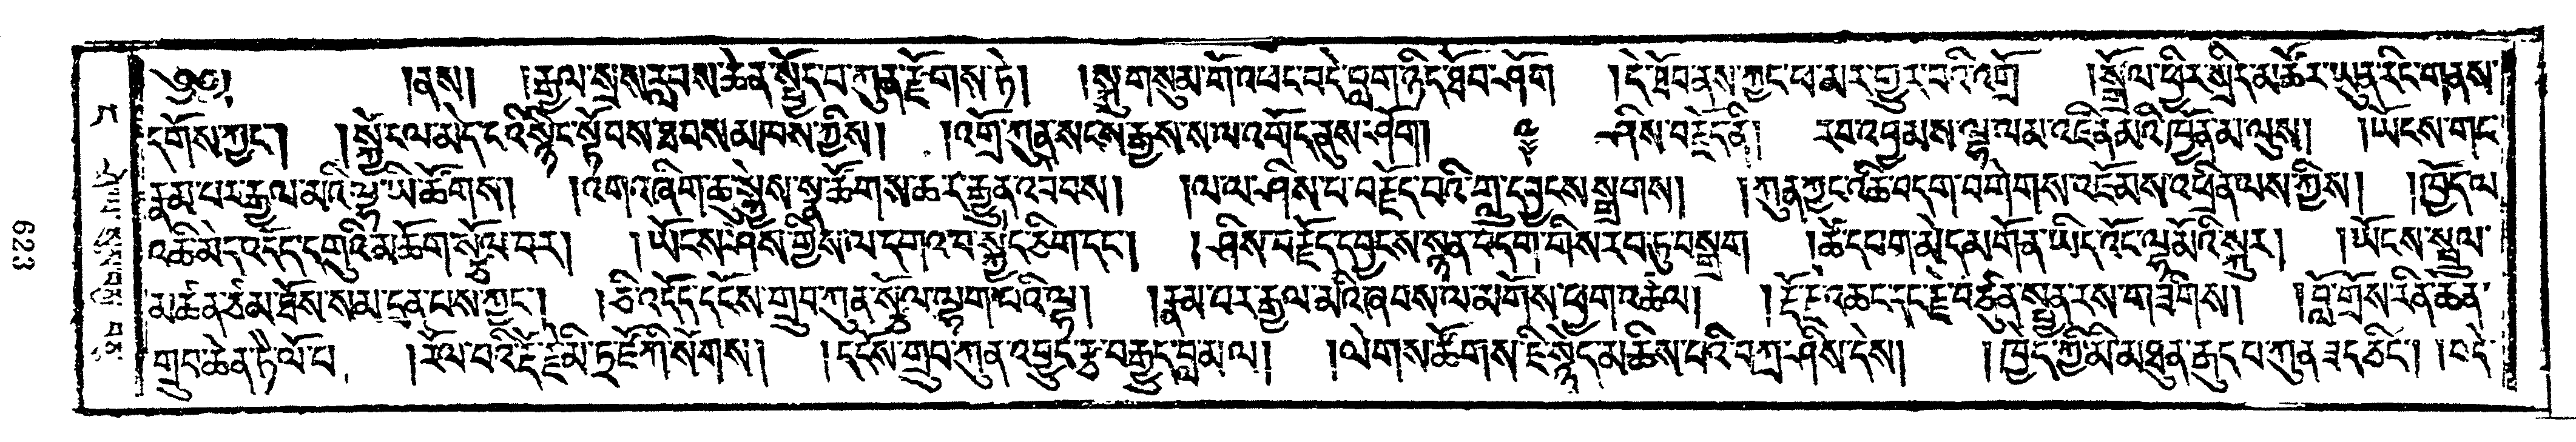༄༅། །ནས། །རྒྱལ་སྲས་རླབས་ཆེན་སྤྱོད་པ་ཀུན་རྫོགས་ཏེ། །སྐུ་གསུམ་གོ་འཕང་བདེ་བླག་ཉིད་ཐོབ་ཤོག །དེ་ཐོབ་ནས་ཀྱང་ཕ་མར་གྱུར་པའི་འགྲོ། །སྒྲོལ་ཕྱིར་སྲིད་མཚོར་ཡུན་རིང་གནས་
དགོས་ཀྱང་། །སྐྱོ་ངལ་མེད་ངའི་སྙིང་སྟོབས་ཐབས་མཁས་ཀྱིས། །འགྲོ་ཀུན་སངས་རྒྱས་ས་ལ་འགོད་ནུས་ཤོག། ༈ ཤིས་བརྗོད་ནི། རབ་འབྱམས་ལྷ་ལམ་འཛིན་མའི་ཁྱོན་མ་ལུས། །ཡོངས་གང་
རྣམ་པར་རྒྱལ་མའི་ལྷ་ཡི་ཚོགས། །འགའ་ཞིག་ཆུ་སྐྱེས་སྣ་ཚོགས་ཆར་རྒྱུན་འབེབས། །ལ་ལ་ཤིས་པ་བརྗོད་པའི་གླུ་དབྱངས་སྒྲགས། །ཀུན་ཀྱང་འཆི་བདག་བགེགས་འཇོམས་འཕྲིན་ལས་ཀྱིས། །ཁྱོད་ལ་
འཆི་མེད་འདོད་དགུའི་མཆོག་སྩོལ་བར། །ཡོངས་ཤས་གྱིས་ལ་དགའ་བ་སྐྱེད་ཅིག་དང་། །ཤིས་བརྗོད་དབྱངས་སྙན་བདག་གིས་རབ་ཏུ་བསྒྲག །ཚེ་དཔག་མེད་མགོན་ཡིད་འོང་ལྷ་མོའི་སྐུར། །ཡོངས་སྦྲུལ་
མཚན་ཙམ་ཐོས་སམ་དྲན་པས་ཀྱང་། །ཅི་འདོད་དངོས་གྲུབ་ཀུན་སྩོལ་ལྷག་པའི་ལྷ། །རྣམ་པར་རྒྱལ་མའི་ཞབས་ལ་མགོས་ཕྱག་འཚལ། །རྡོ་རྗེ་འཆང་དང་རྗེ་བཙུན་སྤྱན་རས་གཟིགས། །བློ་གྲོས་རིན་ཆེན་
གྲུབ་ཆེན་ཏཻ་ལོ་པ། །རོལ་པའི་རྡོ་རྗེ་མི་ཏྲ་ཛོ་ཀི་སོགས། །དངོས་གྲུབ་ཀུན་འབྱུང་རྩ་བརྒྱུད་བླ་མ་ལ། །ལེགས་ཚོགས་ཇི་སྙེད་མཆིས་པའི་བཀྲ་ཤིས་དེས། །ཁྱེད་ཀྱི་མི་མཐུན་རྒུད་པ་ཀུན་ཟད་ཅིང་། །བདེ་